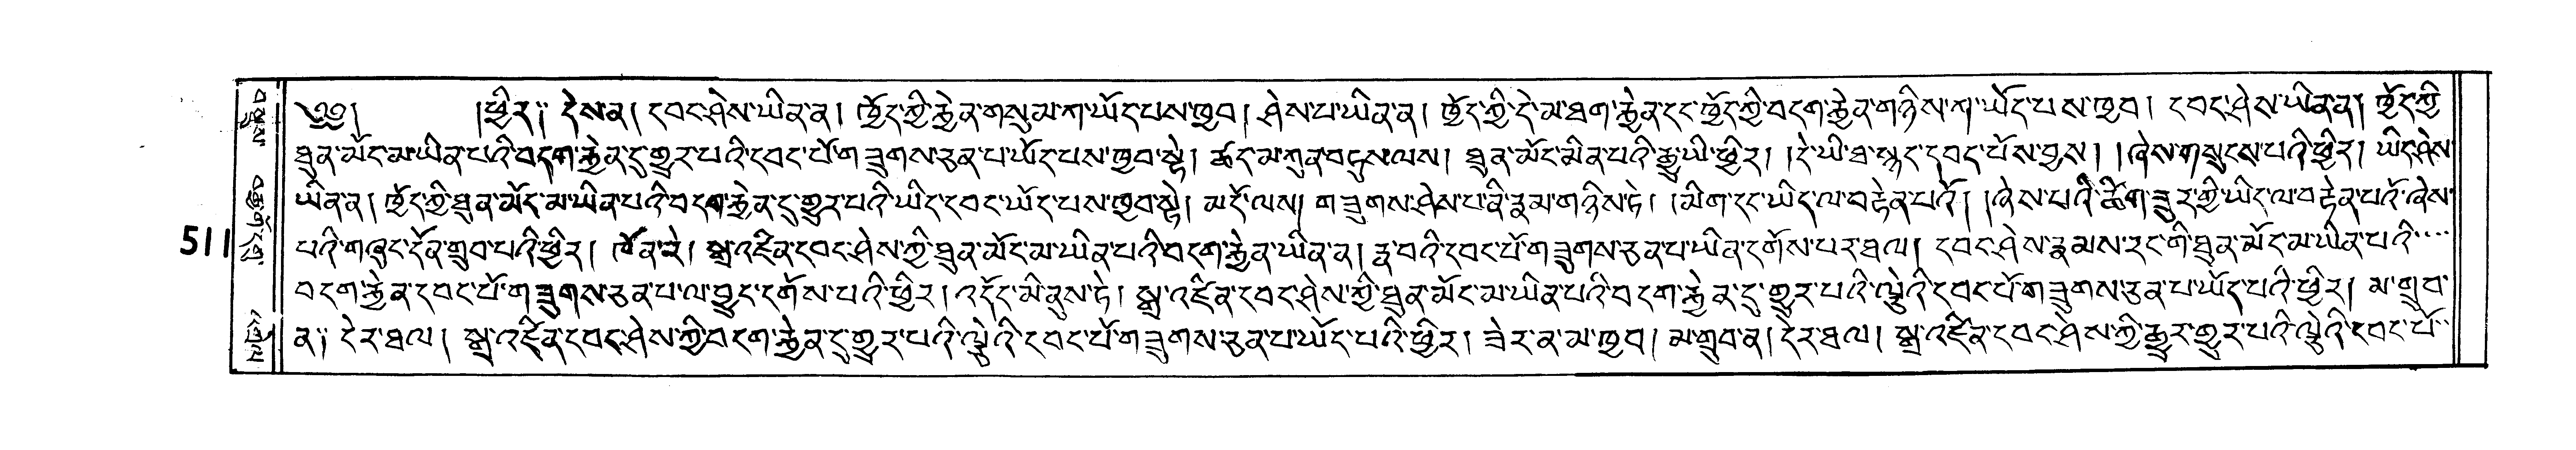༄༅། །ཕྱིར༑ དེས་ན། དབང་ཤེས་ཡིན་ན། ཁྱོད་ཀྱི་རྐྱེན་གསུམ་ཀ་ཡོད་པས་ཁྱབ། ཤེས་པ་ཡིན་ན། ཁྱོད་ཀྱི་དེ་མ་ཐག་རྐྱེན་དང་ཁྱོད་ཀྱི་བདག་རྐྱེན་གཉིས་ཀ་ཡོད་པས་ཁྱབ། དབང་ཤེས་ཡིན་ན། ཁྱོད་ཀྱི་
ཐུན་མོང་མ་ཡིན་པའི་བདག་རྐྱེན་དུ་གྱུར་པའི་དབང་པོ་གཟུགས་ཅན་པ་ཡོད་པས་ཁྱབ་སྟེ། ཚད་མ་ཀུན་བཏུས་ལས། ཐུན་མོང་མིན་པའི་རྒྱུ་ཡི་ཕྱིར། །དེ་ཡི་ཐ་སྙད་དབང་པོས་བྱས། །ཞེས་གསུངས་པའི་ཕྱིར། ཡིད་ཤེས་
ཡིན་ན། ཁྱོད་ཀྱི་ཐུན་མོང་མ་ཡིན་པའི་བདག་རྐྱེན་དུ་གྱུར་པའི་ཡིད་དབང་ཡོད་པས་ཁྱབ་སྟེ། མདོ་ལས། གཟུགས་ཤེས་པ་ནི་རྣམ་གཉིས་ཏེ། །མིག་དང་ཡིད་ལ་བརྟེན་པའོ། །ཞེས་པའི་ཚིག་ཟུར་གྱི་ཡིད་ལ་བརྟེན་པའོ་ཞེས་
པའི་གཞུང་དོན་གྲུབ་པའི་ཕྱིར། ཁོ་ན་རེ། སྒྲ་འཛིན་དབང་ཤེས་ཀྱི་ཐུན་མོང་མ་ཡིན་པའི་བདག་རྐྱེན་ཡིན་ན། རྣ་བའི་དབང་པོ་གཟུགས་ཅན་པ་ཡིན་དགོས་པར་ཐལ། དབང་ཤེས་རྣམས་རང་གི་ཐུན་མོང་མ་ཡིན་པའི་
བདག་རྐྱེན་དབང་པོ་གཟུགས་ཅན་པ་ལ་བྱུང་དགོས་པའི་ཕྱིར། འདོད་མི་ནུས་ཏེ། སྒྲ་འཛིན་དབང་ཤེས་ཀྱི་ཐུན་མོང་མ་ཡིན་པའི་བདག་རྐྱེན་དུ་གྱུར་པའི་ལྕེའི་དབང་པོ་གཟུགས་ཅན་པ་ཡོད་པའི་ཕྱིར། མ་གྲུབ་
ན༑ དེར་ཐལ། སྒྲ་འཛིན་དབང་ཤེས་ཀྱི་བདག་རྐྱེན་དུ་གྱུར་པའི་ལྕེའི་དབང་པོ་གཟུགས་ཅན་པ་ཡོད་པའི་ཕྱིར། ཟེར་ན་མ་ཁྱབ། མ་གྲུབ་ན། དེར་ཐལ། སྒྲ་འཛིན་དབང་ཤེས་ཀྱི་རྒྱུར་གྱུར་པའི་ལྕེའི་དབང་པོ་